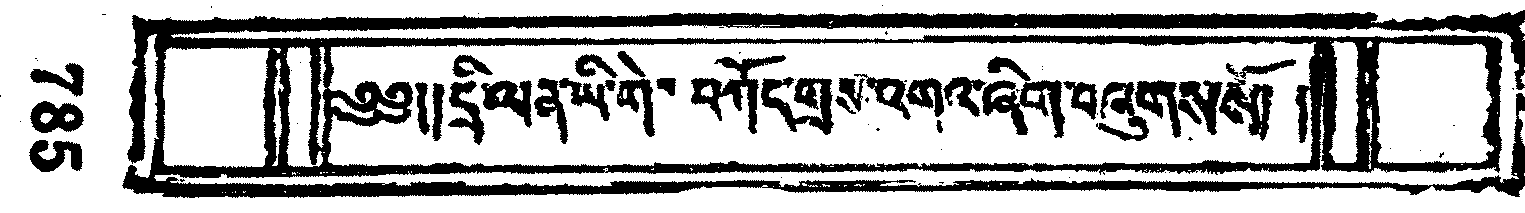༄༅། །དྲི་ལན་ཡི་གེ་བཀོད་གྲས་འགའ་ཞིག་བཞུགས་སོ། །